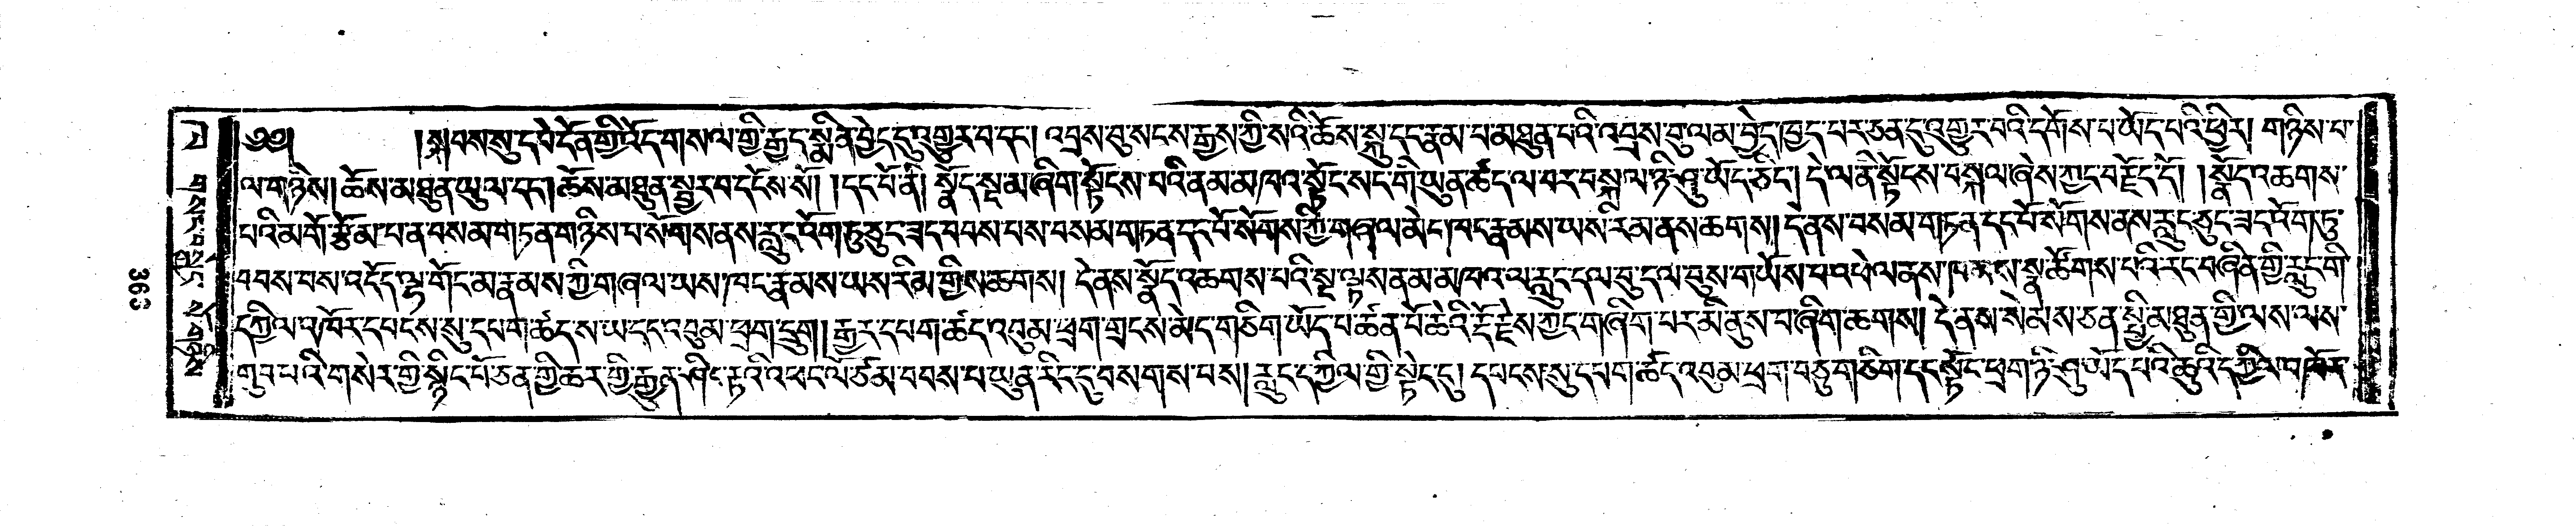༄༅། །སྐབས་སུ་དཔེ་དོན་གྱི་འོད་གསལ་གྱི་རྒྱུད་སྨིན་བྱེད་དུ་འགྱུར་བ་དང་། འབྲས་བུ་སངས་རྒྱས་ཀྱི་སའི་ཆོས་སྐུ་དང་རྣམ་པ་མཐུན་པའི་འབྲས་བུ་ལམ་བྱེད་ཁྱད་པར་ཅན་དུ་འགྱུར་བའི་དགོས་པ་ཡོད་པའི་ཕྱིར། གཉིས་པ་
ལ་གཉིས། ཆོས་མཐུན་ཡུལ་དང་། ཆོས་མཐུན་སྦྱར་བ་དངོས་སོ། །དང་པོ་ནི། སྣོད་སྔ་མ་ཞིག་སྟོངས་པའི་ནམ་མཁའ་སྟོང་སང་གི་ཡུན་ཚད་ལ་བར་བསྐལ་ཉི་ཤུ་ཡོད་ཅིང་། དེ་ལ་ནི་སྟོངས་བསྐལ་ཞེས་ཀྱང་བརྗོད་དོ། །སྣོད་འཆགས་
པའི་མགོ་རྩོམ་པ་ན་བསམ་གཏན་གཉིས་པ་སོགས་ནས་རླུང་འོག་ཏུ་ཅུང་ཟད་བབས་པས་བསམ་གཏན་དང་པོ་སོགས་ཀྱི་གཞལ་མེད་ཁང་རྣམས་ཡས་རིམ་ནས་ཆགས། དེ་ནས་བསམ་གཏན་དང་པོ་སོགས་ནས་རླུང་ཅུང་ཟད་འོག་ཏུ་
བབས་པས་འདོད་ལྷ་གོང་མ་རྣམས་ཀྱི་གཞལ་ཡས་ཁང་རྣམས་ཡས་རིམ་གྱིས་ཆགས། དེ་ནས་སྣོད་འཆགས་པའི་སྔ་ལྟས་ནམ་མཁའ་ལ་རླུང་དལ་བུ་དལ་བུས་གཡོས་པ་འཕེལ་ནས་ཁམས་སྣ་ཚོགས་པའི་རང་བཞིན་གྱི་རླུང་གི་
དཀྱིལ་འཁོར་དཔངས་སུ་དཔག་ཚད་ས་ཡ་དང་འབུམ་ཕྲག་དྲུག །རྒྱར་དཔག་ཚད་འབུམ་ཕྲག་གྲངས་མེད་གཅིག་ཡོད་པ་ཚན་པོ་ཆེའི་རྡོ་རྗེས་ཀྱང་གཞིག་པར་མི་ནུས་པ་ཞིག་ཆགས། དེ་ནས་སེམས་ཅན་སྤྱི་མཐུན་གྱི་ལས་ལས་
གྲུབ་པའི་གསེར་གྱི་སྙིང་པོ་ཅན་གྱི་ཆར་གྱི་རྒྱུན་ཤིང་རྟའི་འཕང་ལོ་ཙམ་བབས་པ་ཡུན་རིང་དུ་བསགས་པས། རླུང་དཀྱིལ་གྱི་སྟེང་དུ། དཔངས་སུ་དཔག་ཚད་འབུམ་ཕྲག་བཅུ་གཅིག་དང་སྟོང་ཕྲག་ཉི་ཤུ་ཡོད་པའི་ཆུའི་དཀྱིལ་འཁོར་